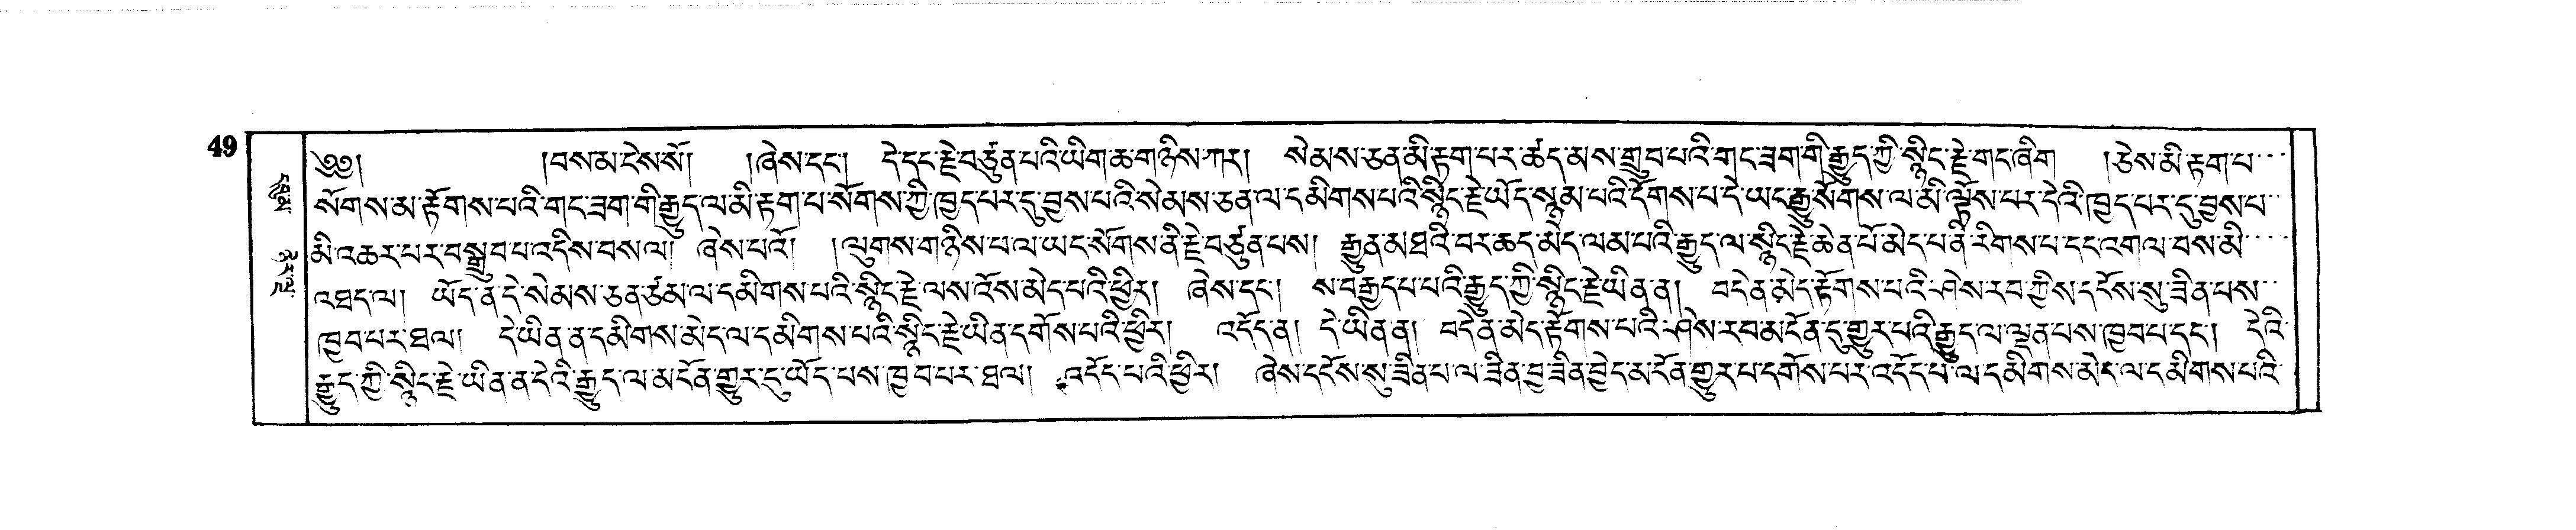༄༅། །བས་མ་ངེས་སོ། །ཞེས་དང་། དེ་དང་རྗེ་བཙུན་པའི་ཡིག་ཆ་གཉིས་ཀར། སེམས་ཅན་མི་རྟག་པར་ཚད་མས་གྲུབ་པའི་གང་ཟག་གི་རྒྱུད་ཀྱི་སྙིང་རྗེ་གང་ཞིག །ཅེས་མི་རྟག་པ་
སོགས་མ་རྟོགས་པའི་གང་ཟག་གི་རྒྱུད་ལ་མི་རྟག་པ་སོགས་ཀྱི་ཁྱད་པར་དུ་བྱས་པའི་སེམས་ཅན་ལ་དམིགས་པའི་སྙིང་རྗེ་ཡོད་སྙམ་པའི་དོགས་པ་དེ་ཡང་རྒྱུ་སོགས་ལ་མི་ལྟོས་པར་དེའི་ཁྱད་པར་དུ་བྱས་པ་
མི་འཆར་པར་བསྒྲུབ་པ་འདིས་བསལ། ཞེས་པའོ། །ལུགས་གཉིས་པ་ལ་ཡང་སོགས་ནི་རྗེ་བཙུན་པས། རྒྱུན་མཐའི་བར་ཆད་མེད་ལམ་པའི་རྒྱུད་ལ་སྙིང་རྗེ་ཆེན་པོ་མེད་པ་ནི་རིགས་པ་དང་འགལ་བས་མི་
འཐད་ལ། ཡོད་ན་དེ་སེམས་ཅན་ཙམ་ལ་དམིགས་པའི་སྙིང་རྗེ་ལས་འོས་མེད་པའི་ཕྱིར། ཞེས་དང་། ས་བརྒྱད་པ་པའི་རྒྱུད་ཀྱི་སྙིང་རྗེ་ཡིན་ན། བདེན་མེད་རྟོགས་པའི་ཤེས་རབ་ཀྱིས་དངོས་སུ་ཟིན་པས་
ཁྱབ་པར་ཐལ། དེ་ཡིན་ན་དམིགས་མེད་ལ་དམིགས་པའི་སྙིང་རྗེ་ཡིན་དགོས་པའི་ཕྱིར། འདོད་ན། དེ་ཡིན་ན། བདེན་མེད་རྟོགས་པའི་ཤེས་རབ་མངོན་དུ་གྱུར་པའི་རྒྱུད་ལ་ལྡན་པས་ཁྱབ་པ་དང་། དེའི་
རྒྱུད་ཀྱི་སྙིང་རྗེ་ཡིན་ན་དེའི་རྒྱུད་ལ་མངོན་གྱུར་དུ་ཡོད་པས་ཁྱབ་པར་ཐལ། འདོད་པའི་ཕྱིར། ཞེས་དངོས་སུ་ཟིན་པ་ལ་ཟིན་བྱ་ཟིན་བྱེད་མངོན་གྱུར་པ་དགོས་པར་འདོད་པ་ལ་དམིགས་མེད་ལ་དམིགས་པའི་